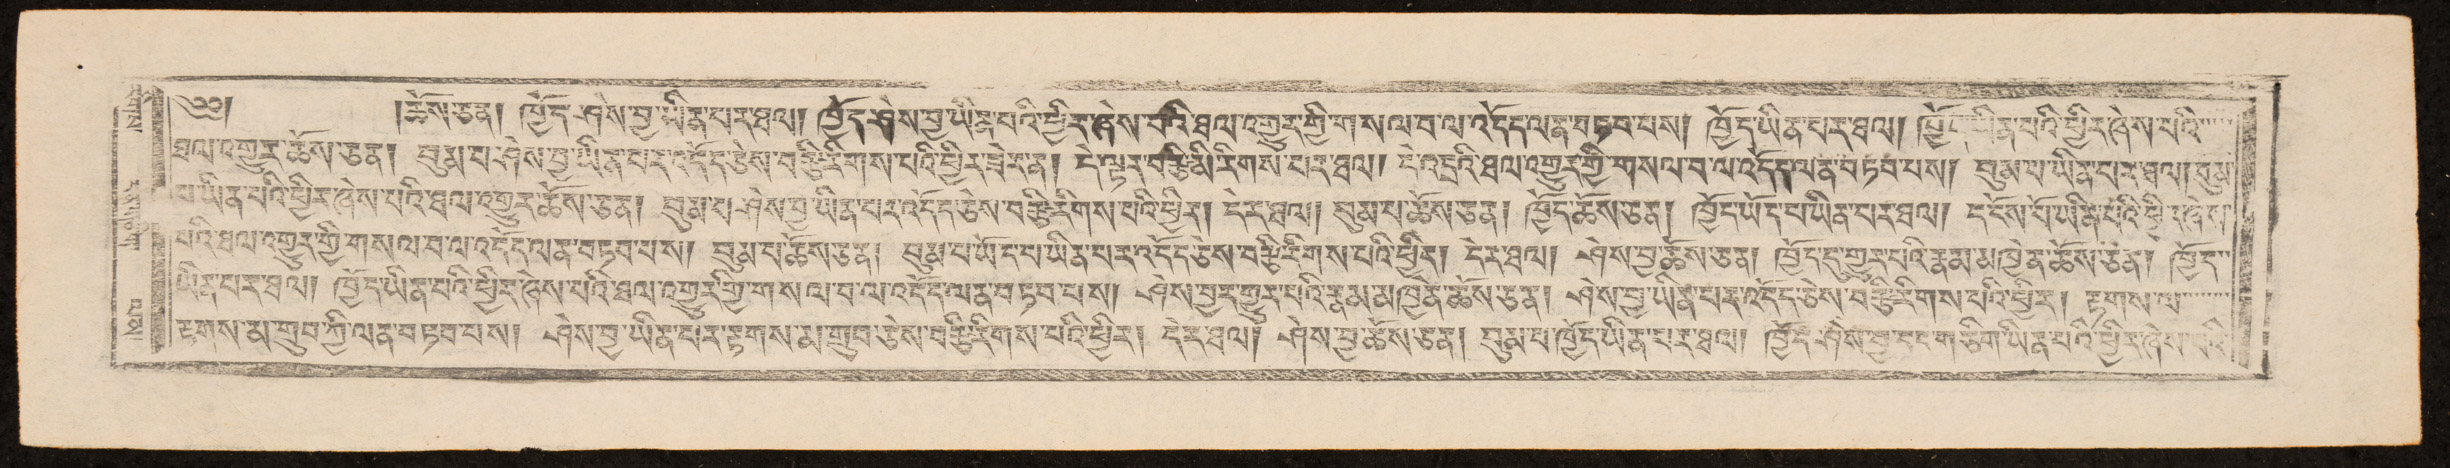༄༅། །ཆོས་ཅན། ཁྱོད་ཤེས་བྱ་ཡིན་པར་ཐལ། ཁྱོད་ཤེས་བྱ་ཡིན་པའི་ཕྱིར་ཞེས་པའི་ཐལ་འགྱུར་གྱི་གསལ་བ་ལ་འདོད་ལན་བཏབ་པས། ཁྱོད་ཡིན་པར་ཐལ། ཁྱོད་ཡིན་པའི་ཕྱིར་ཞེས་པའི་
ཐལ་འགྱུར་ཆོས་ཅན། བུམ་པ་ཤེས་བྱ་ཡིན་པར་འདོད་ཅེས་བརྩི་རིགས་པའི་ཕྱིར་ཟེར་ན། དེ་ལྟར་བརྩི་མི་རིགས་པར་ཐལ། དེ་འདྲའི་ཐལ་འགྱུར་གྱི་གསལ་བ་ལ་འདོད་ལན་བཏབ་པས། བུམ་པ་ཡིན་པར་ཐལ་། བུམ་
པ་ཡིན་པའི་ཕྱིར་ཞེས་པའི་ཐལ་འགྱུར་ཆོས་ཅན། བུམ་པ་ཤེས་བྱ་ཡིན་པར་འདོད་ཅེས་བརྩི་རིགས་པའི་ཕྱིར། དེར་ཐལ། བུམ་པ་ཆོས་ཅན། ཁྱོད་ཆོས་ཅན། ཁྱོད་ཡོད་པ་ཡིན་པར་ཐལ། དངོས་པོ་ཡིན་པའི་ཕྱིར་ཞེས་
པའི་ཐལ་འགྱུར་གྱི་གསལ་བ་ལ་འདོད་ལན་བཏབ་པས། བུམ་པ་ཆོས་ཅན། བུམ་པ་ཡོད་པ་ཡིན་པར་འདོད་ཅེས་བརྩི་རིགས་པའི་ཕྱིར། དེར་ཐལ། ཤེས་བྱ་ཆོས་ཅན། ཁྱོད་དུ་གྱུར་པའི་རྣམ་མཁྱེན་ཆོས་ཅན། ཁྱོད་
ཡིན་པར་ཐལ། ཁྱོད་ཡིན་པའི་ཕྱིར་ཞེས་པའི་ཐལ་འགྱུར་གྱི་གསལ་བ་ལ་འདོད་ལན་བཏབ་པས། ཤེས་བྱར་གྱུར་པའི་རྣམ་མཁྱེན་ཆོས་ཅན། ཤེས་བྱ་ཡིན་པར་འདོད་ཅེས་བརྩི་རིགས་པའི་ཕྱིར། རྟགས་ལ་
རྟགས་མ་གྲུབ་ཀྱི་ལན་བཏབ་པས། ཤེས་བྱ་ཡིན་པར་རྟགས་མ་གྲུབ་ཅེས་བརྩི་རིགས་པའི་ཕྱིར། དེར་ཐལ། ཤེས་བྱ་ཆོས་ཅན། བུམ་པ་ཁྱོད་ཡིན་པར་ཐལ། ཁྱོད་ཤེས་བྱ་དང་གཅིག་ཡིན་པའི་ཕྱིར་ཞེས་པའི་